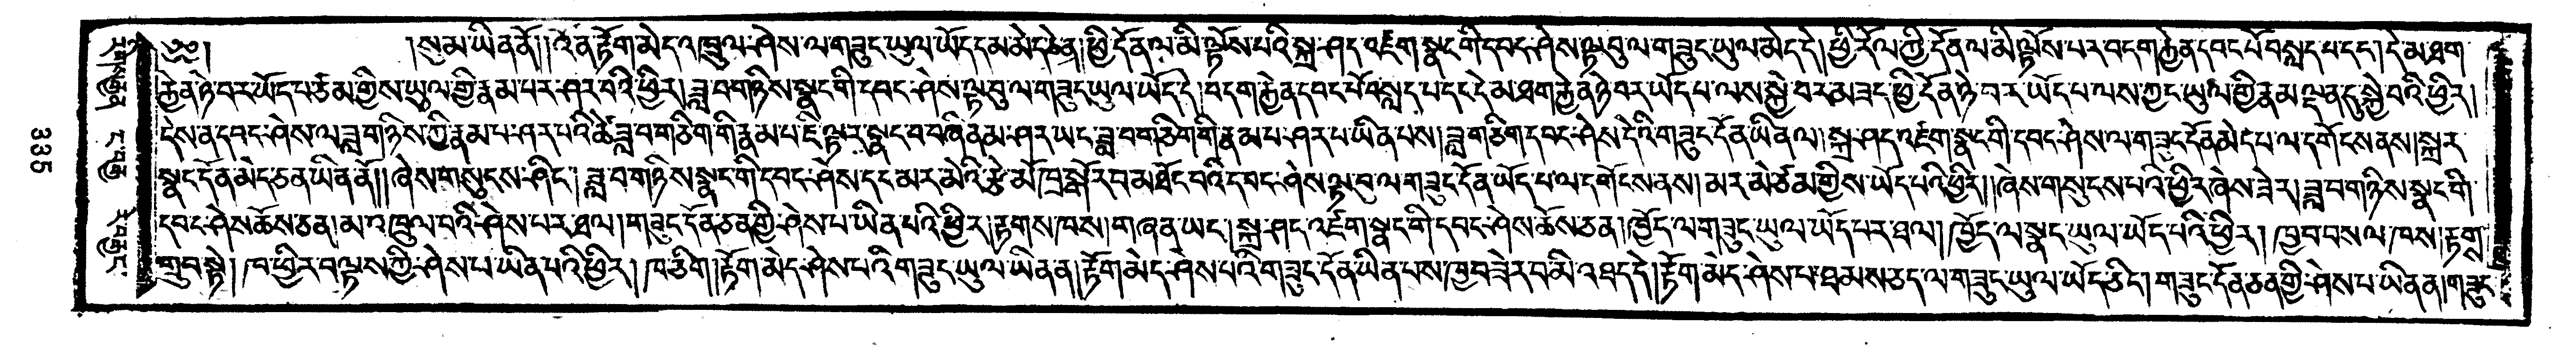༄༅། །སུ་མ་ཡིན་ནོ། །འོ་ན་རྟོག་མེད་འཁྲུལ་ཤེས་ལ་གཟུང་ཡུལ་ཡོད་དམ་མེད་ཅེ་ན། ཕྱི་དོན་ལ་མི་ལྟོས་པའི་སྐྲ་ཤད་འཛག་སྣང་གི་དབང་ཤེས་ལྟ་བུ་ལ་གཟུང་ཡུལ་མེད་དེ། ཕྱི་རོལ་གྱི་དོན་ལ་མི་ལྟོས་པར་བདག་རྐྱེན་དབང་པོ་བསླད་པ་དང་། དེ་མ་ཐག་
རྐྱེན་ཉེ་བར་ཡོད་པ་ཙམ་གྱིས་ཡུལ་གྱི་རྣམ་པར་ཤར་བའི་ཕྱིར། ཟླ་བ་གཉིས་སྣང་གི་དབང་ཤེས་ལྟ་བུ་ལ་གཟུང་ཡུལ་ཡོད་དེ། བདག་རྐྱེན་དབང་པོ་བསླད་པ་དང་དེ་མ་ཐག་རྐྱེན་ཉེ་བར་ཡོད་པ་ལས་སྐྱེ་བར་མ་ཟད་ཕྱི་དོན་ཉེ་བར་ཡོད་པ་ལས་ཀྱང་ཡུལ་གྱི་རྣམ་ལྡན་དུ་སྐྱེ་བའི་ཕྱིར།
དེས་ན་དབང་ཤེས་ལ་ཟླ་གཉིས་ཀྱི་རྣམ་པ་ཤར་བའི་ཚེ་ཟླ་བ་གཅིག་གི་རྣམ་པ་ཇི་ལྟར་སྣང་བ་བཞིན་མ་ཤར་ཡང་ཟླ་བ་གཅིག་གི་རྣམ་པ་ཤར་བ་ཡིན་པས། ཟླ་གཅིག་དབང་ཤེས་དེའི་གཟུང་དོན་ཡིན་ལ། སྐྲ་ཤད་འཛག་སྣང་གི་དབང་ཤེས་ལ་གཟུང་དོན་མེད་པ་ལ་དགོངས་ནས། སྐྲར་
སྣང་དོན་མེད་ཅན་ཡིན་ནོ། །ཞེས་གསུངས་ཤིང་། ཟླ་བ་གཉིས་སྣང་གི་དབང་ཤེས་དང་མར་མེའི་རྩེ་མོ་ཁྲ་སྒོར་བ་མཐོང་བའི་དབང་ཤེས་ལྟ་བུ་ལ་གཟུང་དོན་ཡོད་པ་ལ་དགོངས་ནས། མར་མེ་ཙམ་གྱིས་ཡོད་པའི་ཕྱིར། །ཞེས་གསུངས་པའི་ཕྱིར་ཞེས་ཟེར། ཟླ་བ་གཉིས་སྣང་གི་
དབང་ཤེས་ཆོས་ཅན། མ་འཁྲུལ་བའི་ཤེས་པར་ཐལ། གཟུང་དོན་ཅན་གྱི་ཤེས་པ་ཡིན་པའི་ཕྱིར། རྟགས་ཁས། གཞན་ཡང་། སྐྲ་ཤད་འཛག་སྣང་གི་དབང་ཤེས་ཆོས་ཅན། ཁྱོད་ལ་གཟུང་ཡུལ་ཡོད་པར་ཐལ། ཁྱོད་ལ་སྣང་ཡུལ་ཡོད་པའི་ཕྱིར། ཁྱབ་བསལ་ཁས། རྟགས་
གྲུབ་སྟེ། ཁ་ཕྱིར་བལྟས་ཀྱི་ཤེས་པ་ཡིན་པའི་ཕྱིར། ཁ་ཅིག །རྟོག་མེད་ཤེས་པའི་གཟུང་ཡུལ་ཡིན་ན། རྟོག་མེད་ཤེས་པའི་གཟུང་དོན་ཡིན་པས་ཁྱབ་ཟེར་བ་མི་འཐད་དེ། རྟོག་མེད་ཤེས་པ་ཐམས་ཅད་ལ་གཟུང་ཡུལ་ཡོད་ཅིང་། གཟུང་དོན་ཅན་གྱི་ཤེས་པ་ཡིན་ན། གཟུང་